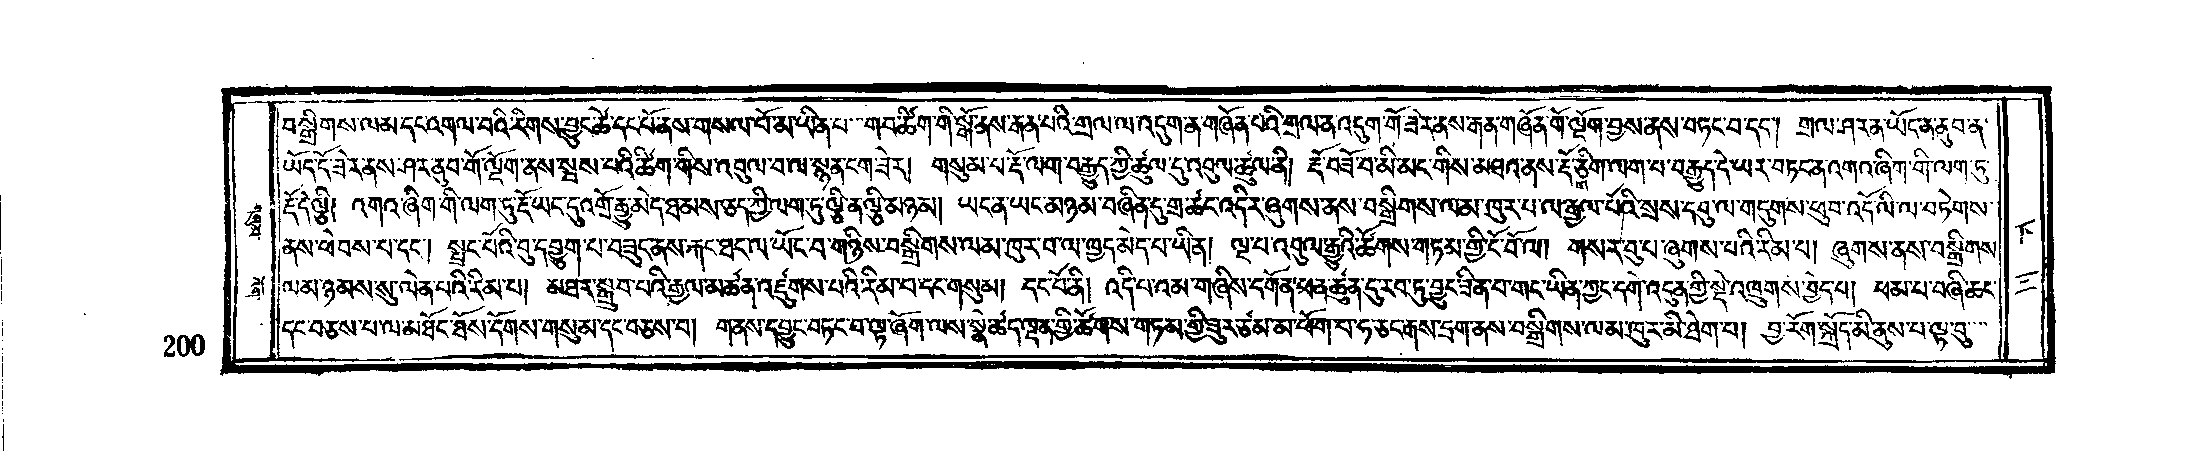བསྒྲིགས་ལམ་དང་འགལ་བའི་རིགས་བྱུང་ཚེ་དང་པོ་ནས་གསལ་པོ་མ་ཡིན་པ་གབ་ཚིག་གི་སྒོ་ནས་རྒན་པའི་གྲལ་ལ་འདུག་ན་གཞོན་པའི་གྲལ་ལ་འདུག་གོ་ཟེར་ནས་རྒན་གཞོན་གོ་ལྡོག་བྱས་ནས་བཏང་བ་དང་། གྲལ་ཤར་ན་ཡོང་ན་ནུབ་ན་
ཡོད་དོ་ཟེར་ནས་ཤར་ནུབ་གོ་ལྡོག་ནས་སྦས་པའི་ཚིག་གིས་འབུལ་བ་ལ་སྙན་ངག་ཟེར། གསུམ་པ་རྡོ་ལག་བརྒྱུད་ཀྱི་ཚུལ་དུ་འབུལ་ཚུལ་ནི། རྡོ་བཟོ་བ་མི་མང་གིས་མཐའ་ནས་རྡོ་གཅིག་ལག་པ་བརྒྱུད་དེ་ཡར་བཏང་ན་འགའ་ཞིག་གི་ལག་ཏུ་
རྡོ་དེ་ལྕི། འགའ་ཞིག་གི་ལག་ཏུ་རྡོ་ཡང་དུ་འགྲོ་རྒྱུ་མེད་ཐམས་ཅད་ཀྱི་ལག་ཏུ་ལྕི་ན་ལྕི་མཉམ། ཡང་ན་ཡང་མཉམ་བཞིན་དུ་གྲ་ཚང་འདིར་ཞུགས་ནས་བསྒྲིགས་ལམ་ཁུར་པ་ལ་རྒྱལ་པོའི་སྲས་དབུ་ལ་གདུགས་ཕུབ་འདོ་ལི་ལ་བཏེགས་
ནས་ཕེབས་པ་དང་། སྤྲང་པོའི་བུ་དབྱུག་པ་བཟུང་ནས་རྐང་ཐང་ལ་ཡོང་བ་གཉིས་བསྒྲིགས་ལམ་ཁུར་བ་ལ་ཁྱད་མེད་པ་ཡིན། ལྔ་པ་འབུལ་རྒྱུའི་ཚོགས་གཏམ་གྱི་ངོ་བོ་ལ། གསར་བུ་པ་ཞུགས་པའི་རིམ་པ། ཞུགས་ནས་བསྒྲིགས་
ལམ་ཉམས་སུ་ལེན་པའི་རིམ་པ། མཐར་སྒྲུབ་པའི་རྒྱལ་མཚན་འཛུགས་པའི་རིམ་པ་དང་གསུམ། དང་པོ་ནི། འདི་པ་འམ་གཞིས་དགོན་ཕན་ཚུན་དུ་རབ་ཏུ་བྱུང་ཟིན་པ་གནག་ཡིན་ཀྱང་དགེ་འདུན་གྱི་སྡེ་འཁྲུགས་བྱེད་པ། ཕམ་པ་བཞི་ཆང་
དང་བཅས་པ་ལ་མཐོང་ཐོས་དོགས་གསུམ་དང་བཅས་པ། གནས་དབྱུང་བཏང་བ་ལྟ་ཞོག་ལས་སྣེ་ཚད་ལྡན་གྱི་ཚོགས་གཏམ་གྱི་ཟུར་ཙམ་མ་ཕོག་པ་ཧ་ཅང་རྒས་དྲག་ནས་བསྒྲིགས་ལམ་ཁུར་མི་ཐེག་པ། བྱ་རོག་སྐྲོད་མི་ནུས་པ་ལྟ་བུ་